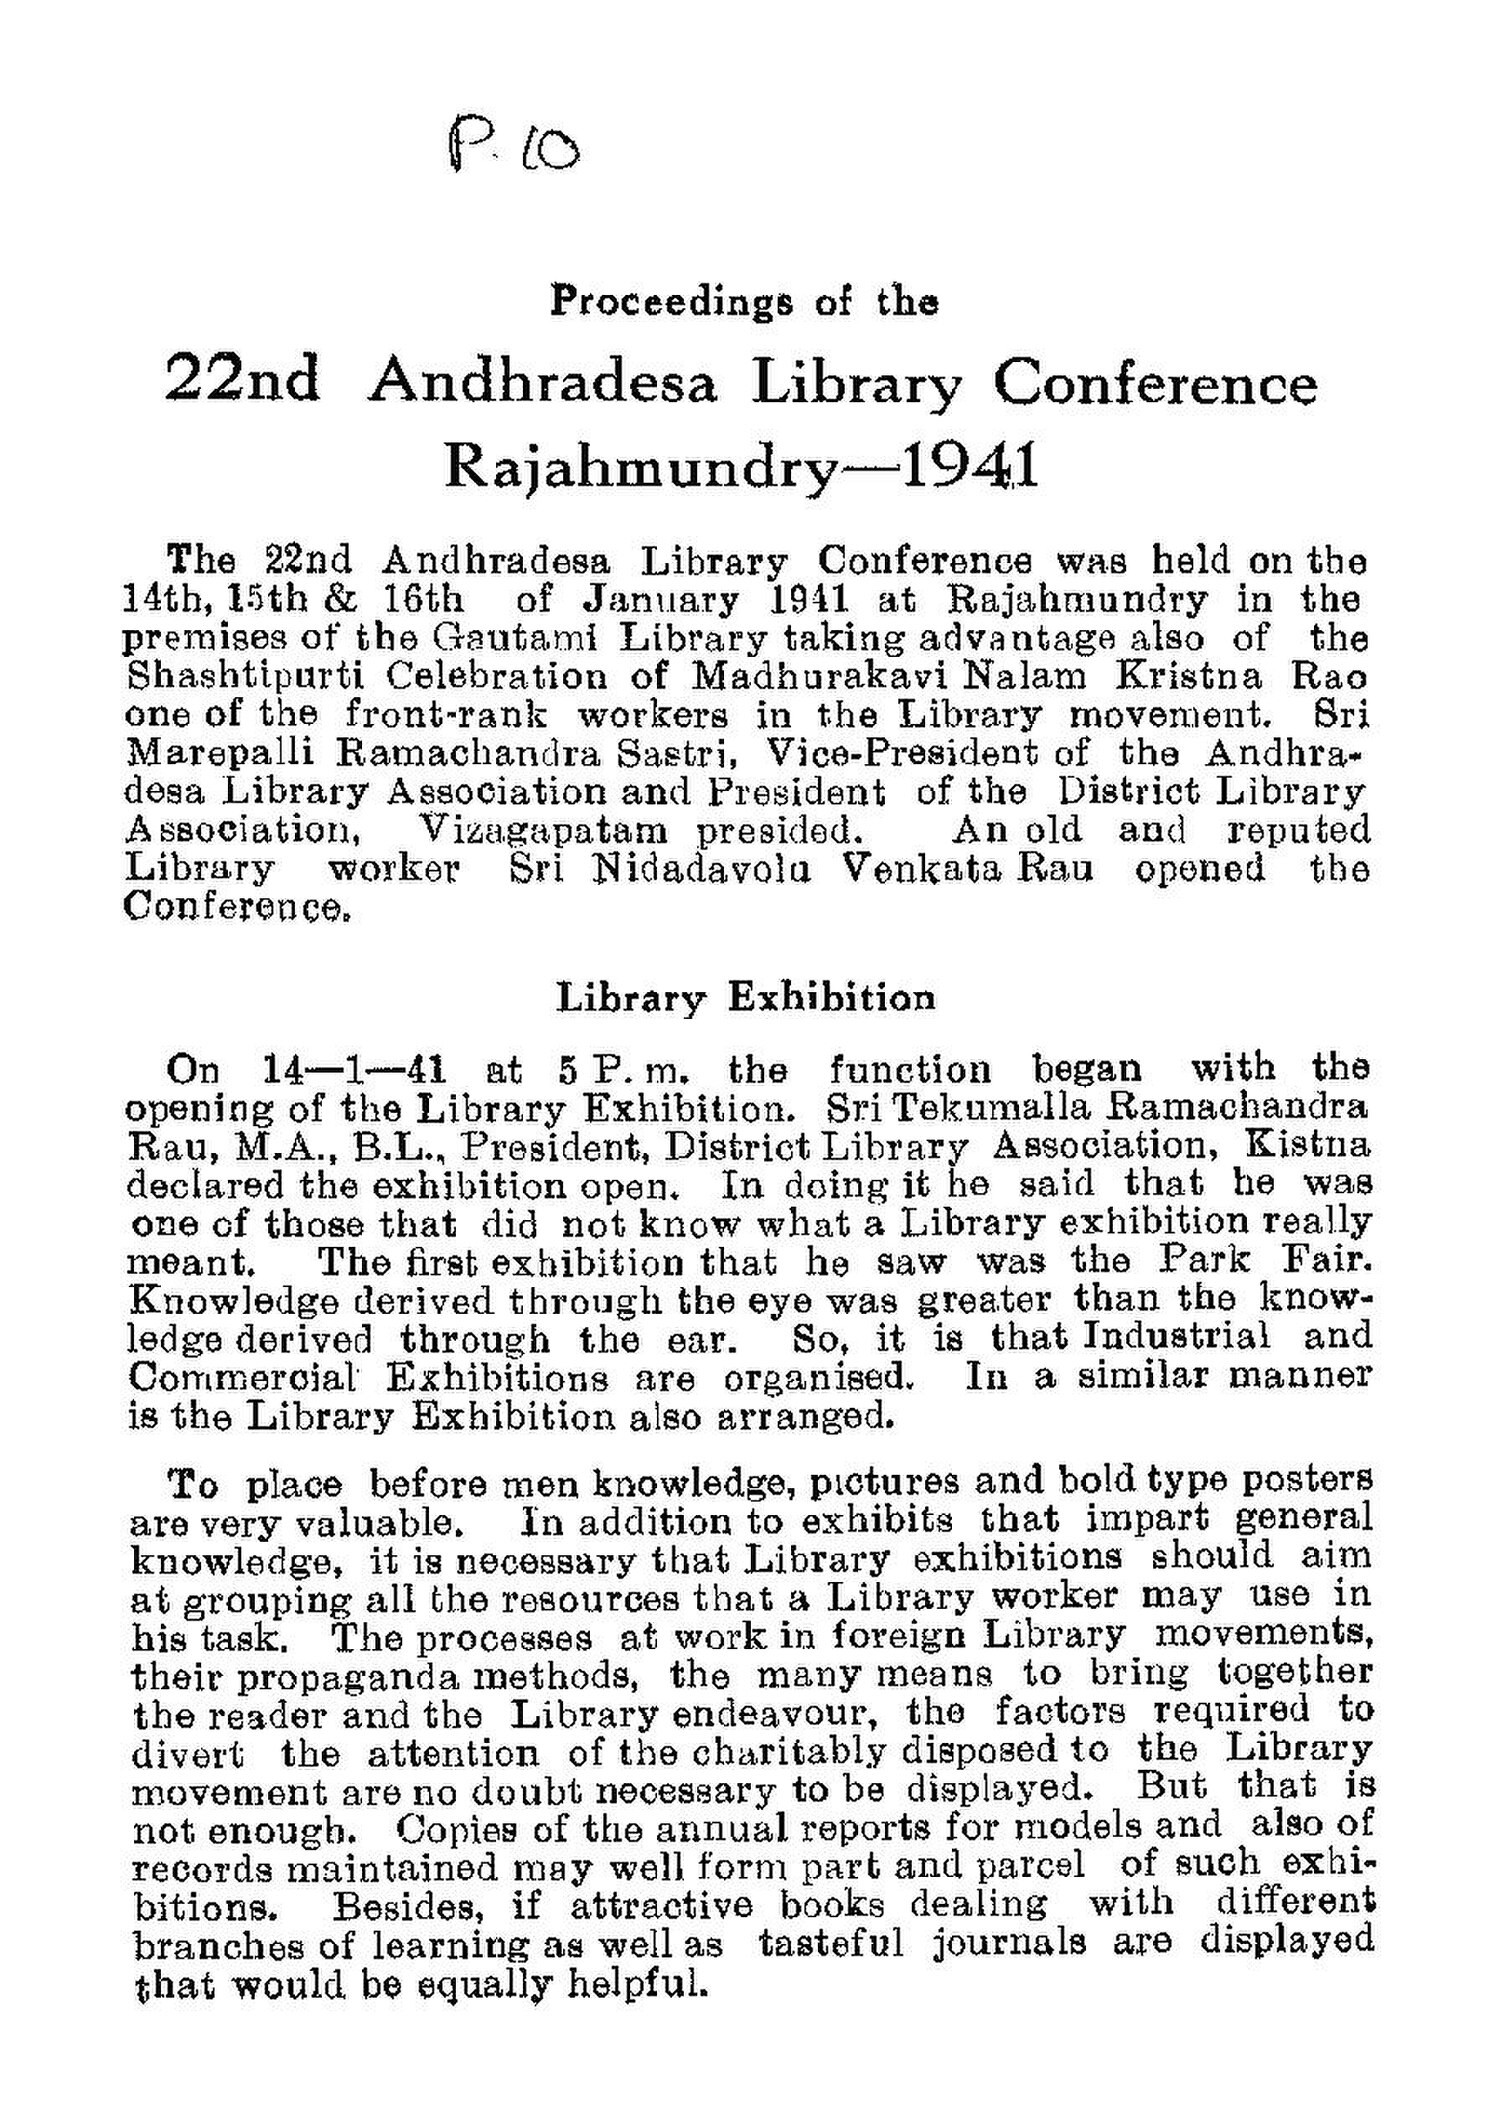The 22nd Andhradesa Library Conference was held on the 14th, 15th & 16th of January 1941 at Rajahmundry 
in the premises of the Gautami Library taking advantage also of the Shashtipurti Celebration of 
Madhurakavi Nalam Kristna Rao one of the front-rank workers in the Library movement. Sri Marepalli 
Ramachandra Sastri, Vice-President of the Andhradesa Library Association and President of the District 
Library Association, Vizagapatam presided. An old and reputed Library worker Sri Nidadavolu Venkata Rao 
opened the Conference.

On 14-1-41 at 5 P. m. the function began with the opening of the Library Exhibition. Sri Tekumalla 
Ramachandra Rau, M.A., B.L., President, District Library Association, Kistna declared the exhibition
open. In doing it he said that he was one of those that did not know what a Library exhibition really
meant. The first exhibition that he saw was the Park Fair. Knowledge derived through the eye was 
greater than the knowledge derived through the ear. So, it is that Industrial and Commercial Exhibitions 
are organized. In a similar manner is the Library Exhibition also arranged.

To place before men knowledge, pictures and bold type posters are very valuable. In addition to exhibits 
that impart general knowledge, it is necessary that Library exhibitions should aim at grouping all the 
resources that a Library worker may use in his task. The processes at work in foreign Library movements,
their propaganda methods, the many means to bring together the reader and the Library endeavor, the 
factors required to divert the attention of the charitably disposed to the Library movement are no 
doubt necessary to be displayed. But that is not enough. Copies of the annual reports for models and 
also of records maintained may well form part and parcel of such exhibitions. Besides, if attractive 
books dealing with different branches of learning as well as tasteful journals are displayed that 
would be equally helpful.